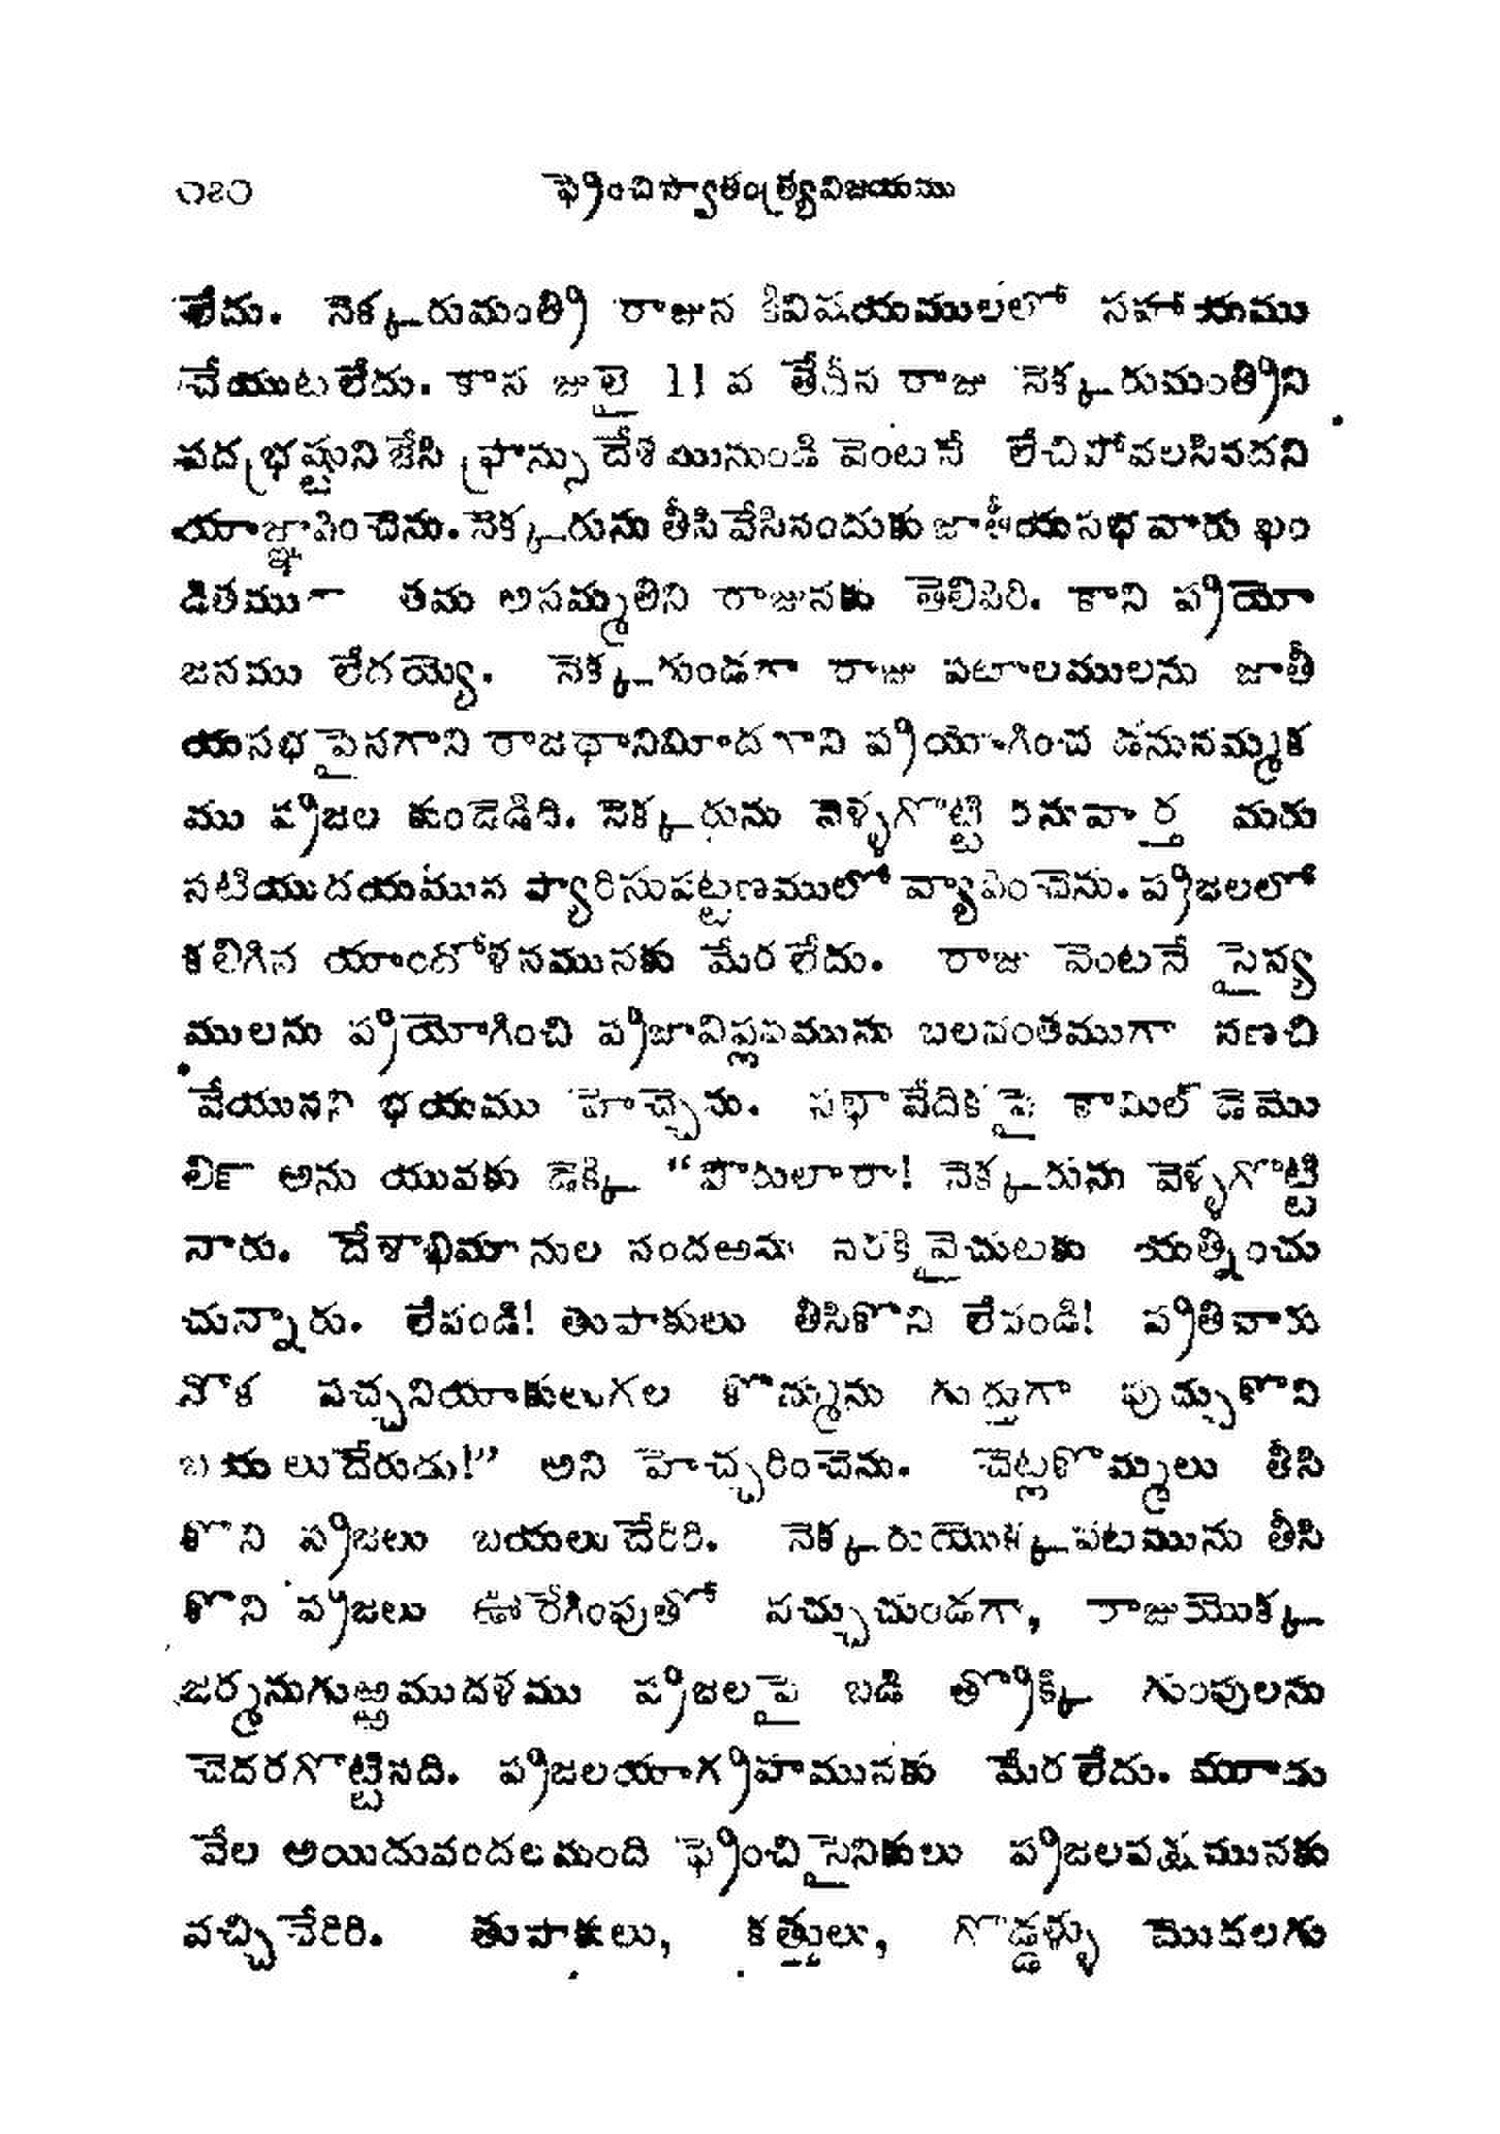.
లేదు. నెక్కరుమంతీ 'రాజున కీవిషయములలో సహాయము
చేయుట లేదు. కాస జులై 11 వ తేదీన రాజు నెక్క రుమంత్రిని
పద భ్రష్టుని జేసి ఫ్రాస్సు దేశ ముసుండి వెంటనే లేచిపోవలసినదని
యాజ్ఞాపించెను. నెక్కరును తీసి వేసినందుకు జాతీయ సభవారు ఖం
డితముగా తమ అసమ్మతిని రాజునకు తెలిపెరి. కాని ప్రయో
జసము లేదయ్యె. నెక్క రుండగా రాజు పటాలములను జాతీ
యసభ పై నగాని రాజధానిమీద గాని ప్రయోగించ డనునమ్మక
ము ప్రజల కుండెడిది. నెక్కరును వెళ్ళగొట్టి రసువార్త మరు
సటియుదయమున ప్యారిసుపట్టణములో వ్యాపించెను. ప్రజలలో
కలిగిన యాందోళనమునకు మేరలేదు. రాజు వెంటనే సైన్య
ములను ప్రయోగించి ప్రభావిప్లవమును బలవంతముగా సణచి
వేయునని భయము హెచ్చెను. సభా వేదిక పై కామిల్ డెమొ
లిన్" అను యువకు డెక్కి “పౌరులారా! నెక్కరును వెళ్ళగొట్టి
నారు. దేశాభిమానుల సందఱను నరికి వైచుటకు యత్నించు
చున్నారు. లేపండి! తుపాకులు తీసికొని లేవండి! ప్రతివారు
నొక పచ్చనియాకులుగల కొమ్మును గుర్తుగా పుచ్చుకొని
బయలు దేరుడు!” అని హెచ్చరించెను. చెట్లకొమ్మలు తీసి
కొని ప్రజలు బయలు దేరిరి. నెక్కరు యొక్క పటమును తీసి
కొని ప్రజలు ఊరేగింపుతో వచ్చుచుండగా, రాజు యొక్క
జర్మసు గుఱ్ఱముదళము ప్రజలపై బడి తోక్కి గుంపులను
చెదరగొట్టినది. ప్రజలయాగ్రహమునకు మేర లేదు. మూడు
వేల అయిదువందల మంది 'ఫ్రెంచి సైనికులు ప్రజలపక్షమునకు
వచ్చి చేరిరి.తుపాకలు, కత్తులు,గొడ్డళ్ళు మొదలగు